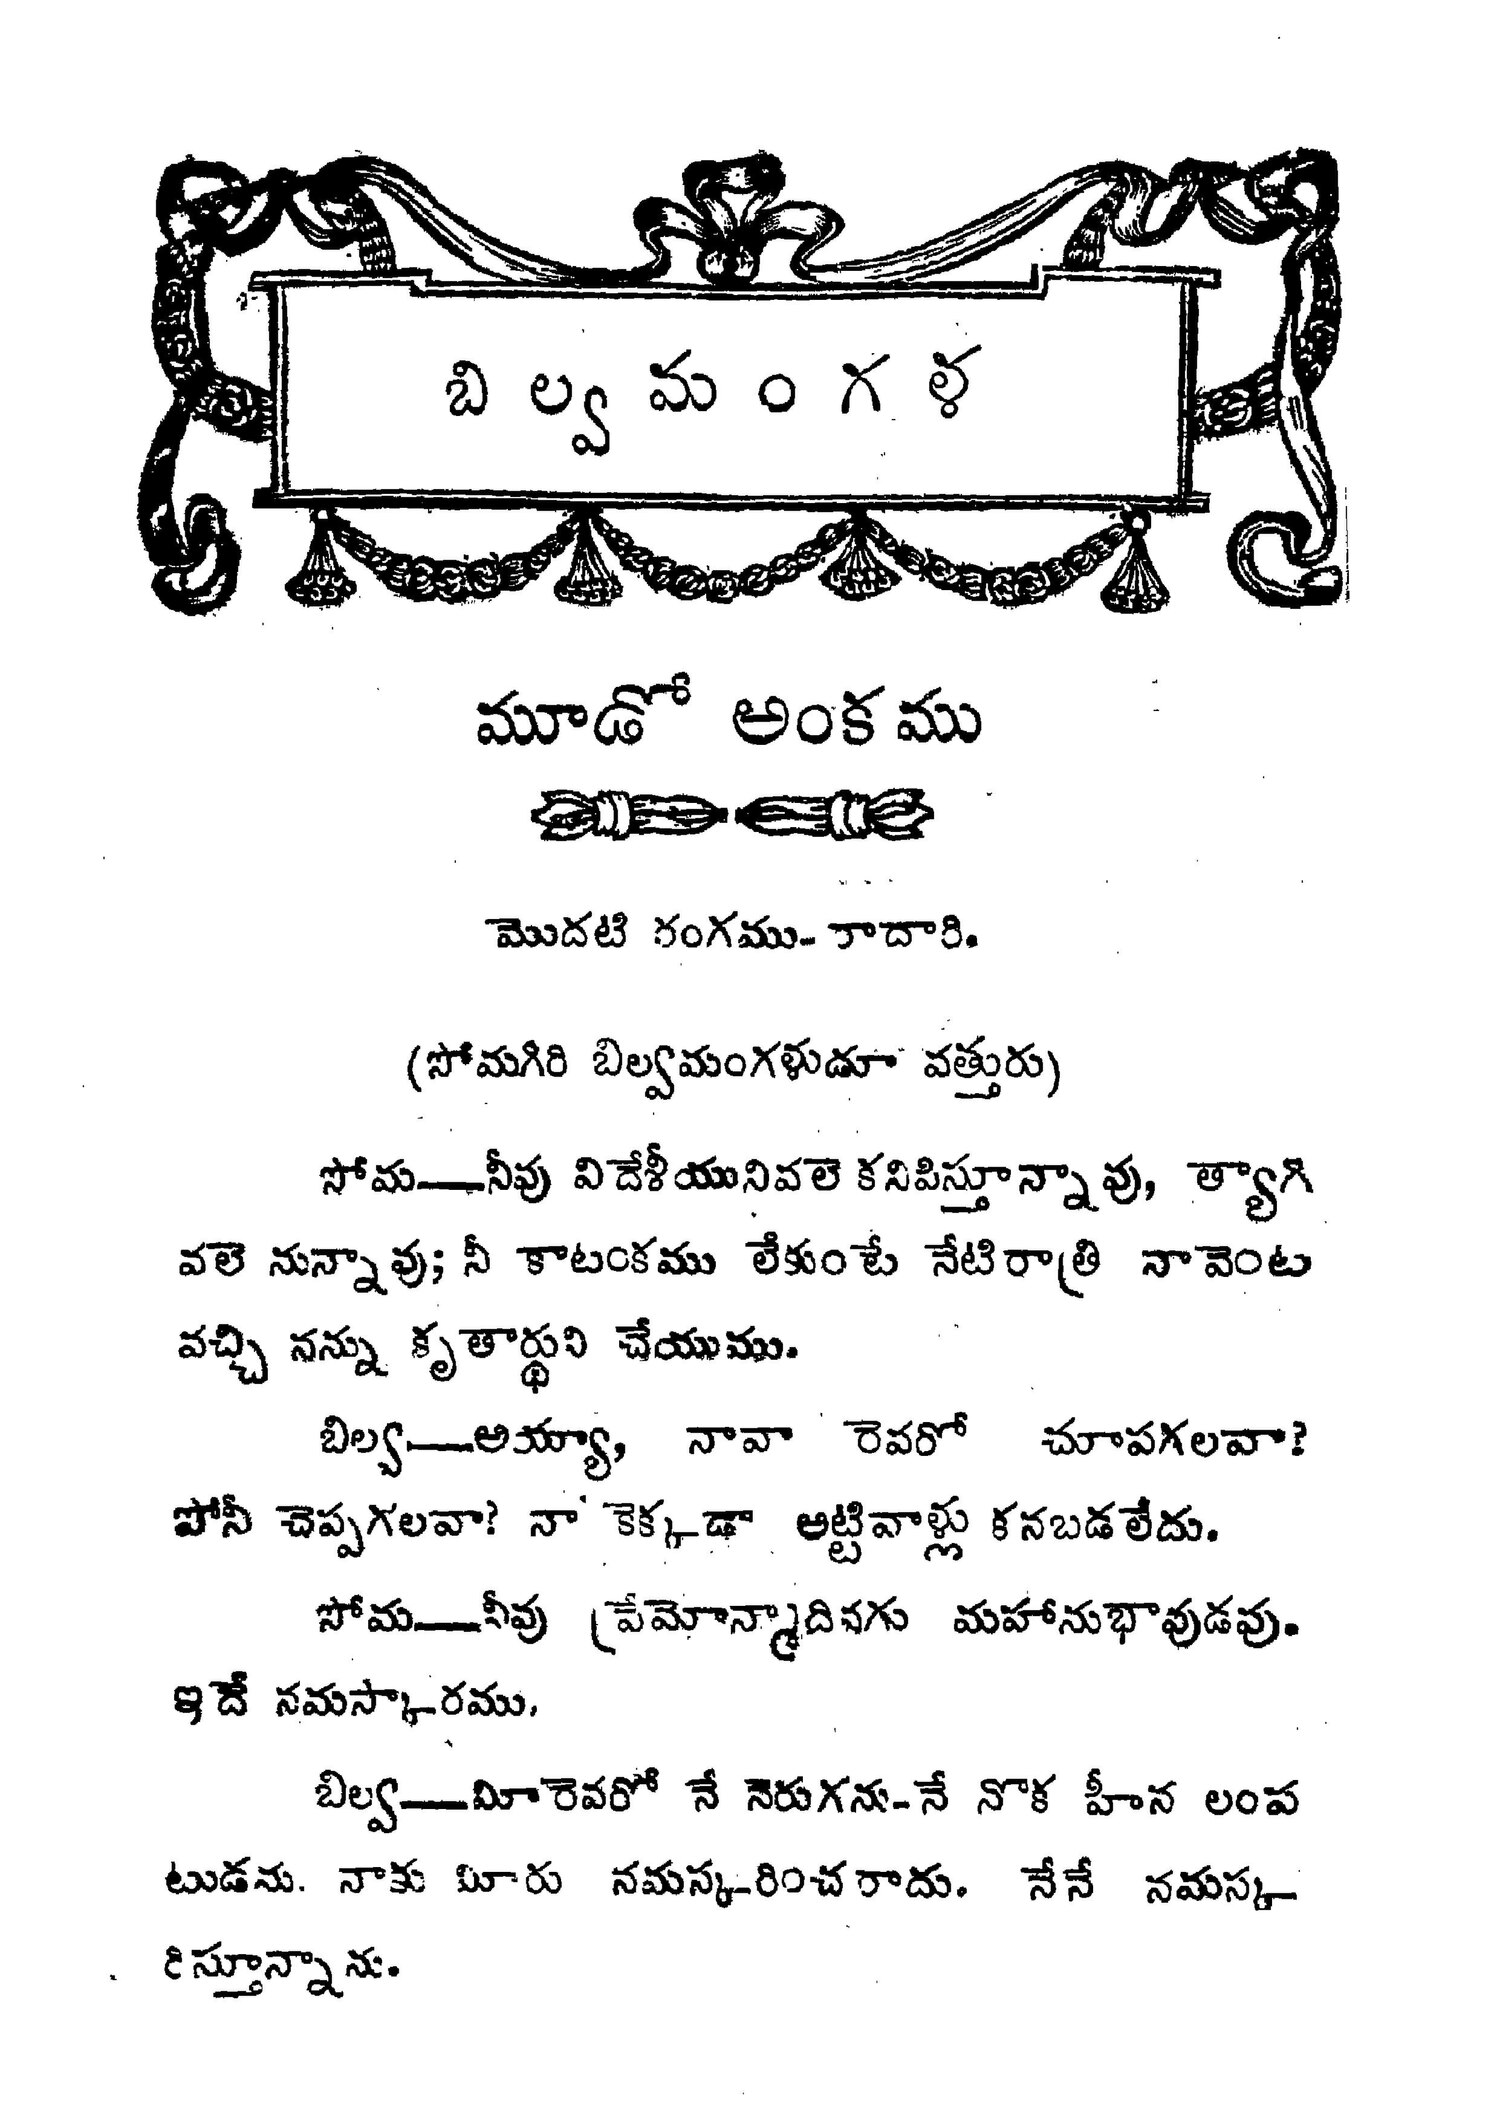సోమ - నీవు విదేశీయునివలె కనిపిస్తూన్నావు, త్యాగివలె నున్నావు; నీ కాటంకము లేకుంటే నేటిరాత్రి నావెంట వచ్చి నున్న కృతార్థుని చేయుము.

బిల్వ - అయ్యా, నావా రెవరో చూపగలవా? పోనీ చెప్పగలవా? నా కెక్కడా అట్టివాళ్లు కనబడలేదు.

సోమ - నీవు ప్రేమోన్మాదివగు మహానుభావుడవు. ఇదే నమస్కారము.

బిల్వ - మీరెవరో నే నెరుగను-నే నొక హీన లంపటుడను. నాకు మీరు నమస్కరించరాదు. నేనే నమస్కరిస్తూన్నాను.